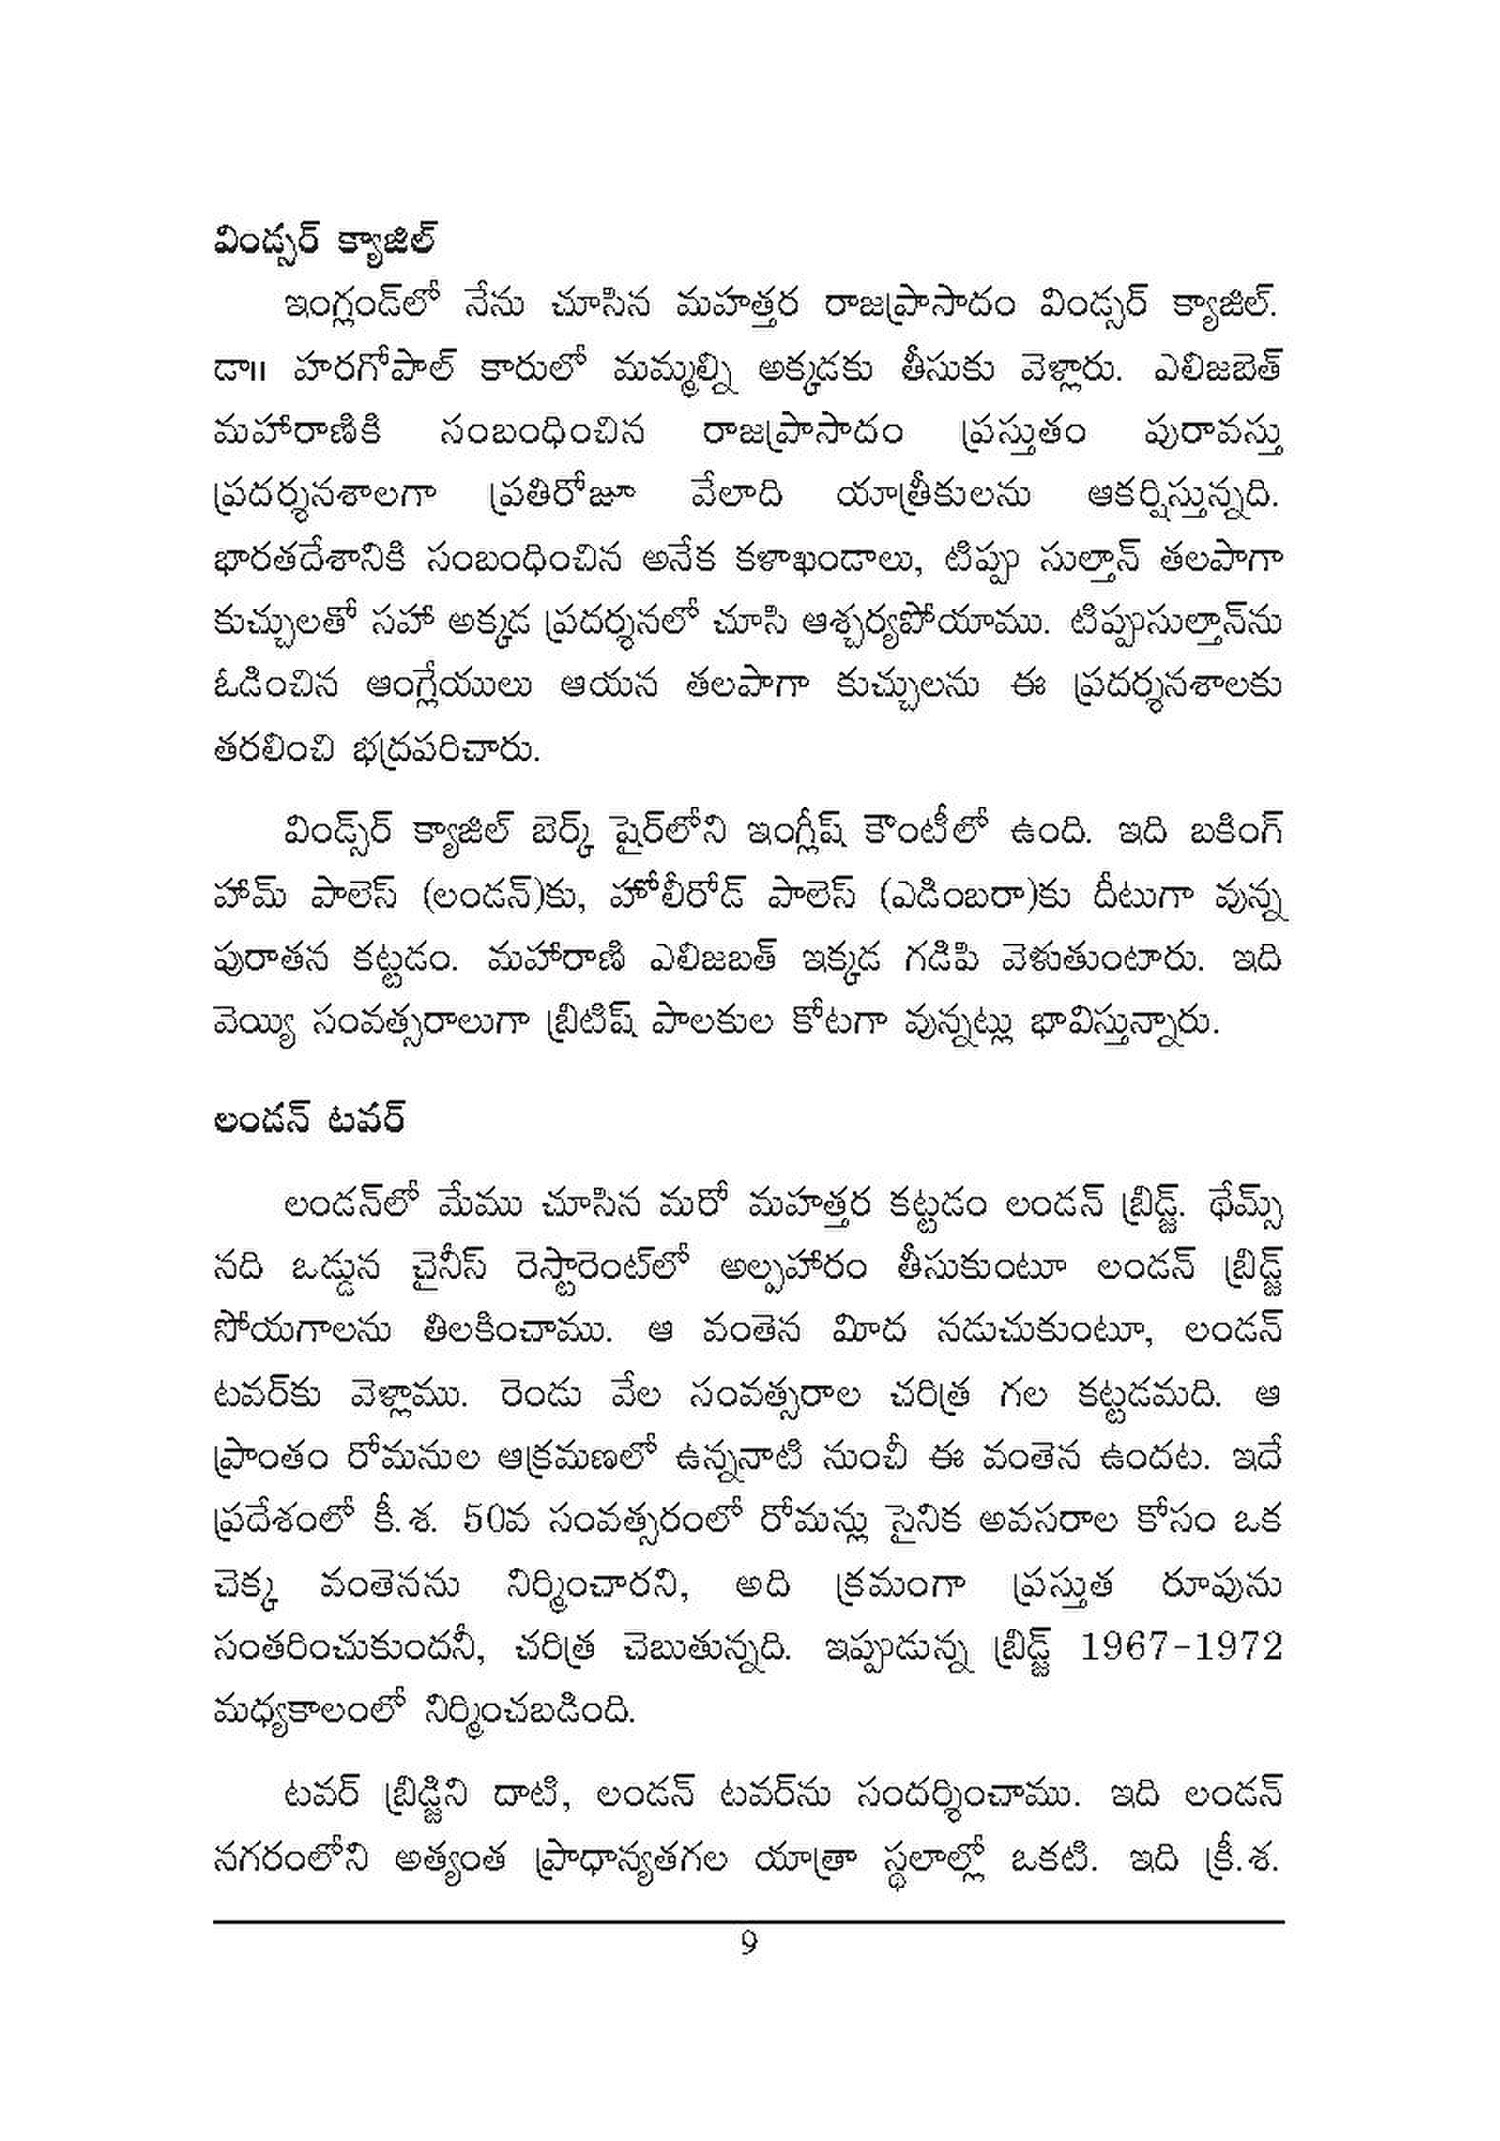విండ్సర్ క్యాజిల్ 

ఇంగ్లండ్లో నేను చూసిన మహత్తర రాజప్రాసాదం విండ్సర్ క్యాజిల్. డా॥ హరగోపాల్ కారులో మమ్మల్ని అక్కడకు తీసుకు వెళ్లారు. ఎలిజబెత్ మహారాణికి సంబంధించిన రాజప్రాసాదం ప్రస్తుతం పురావస్తు ప్రదర్శనశాలగా ప్రతిరోజూ వేలాది యూత్రీకులను ఆకర్షిస్తున్నది. భారతదేశానికి సంబంధించిన అనేక కళాఖండాలు, టిప్పు సుల్తాన్ తలపాగా కుచ్చులతో సహా అక్కడ ప్రదర్శనలో చూసి ఆశ్చర్యపోయాము. టిప్పుసుల్తాన్‍ను ఓడించిన ఆంగ్లేయులు ఆయన తలపాగా కుచ్చులను ఈ ప్రదర్శనశాలకు తరలించి భద్రపరిచారు. 

విండ్స్‍ర్ క్యాజిల్ బెర్క్ షైర్‍లోని ఇంగ్లీష్ కౌంటీలో ఉంది. ఇది బకింగ్ హామ్ పాలెస్ (లండన్)కు, హోలీరోడ్ పాలెస్ (ఎడింబరా)కు దీటుగా వున్న పురాతన కట్టడం. మహారాణి ఎలిజబత్ ఇక్కడ గడిపి వెళుతుంటారు. ఇది వెయ్యి సంవత్సరాలుగా బ్రిటిష్ పాలకుల కోటగా వున్నట్లు భావిస్తున్నారు. 

లండన్ టవర్ 

లండన్‍లో మేము చూసిన మరో మహత్తర కట్టడం లండన్ బ్రిడ్జ్. థేమ్స్ నది ఒడ్డున చైనీస్ రెస్టారెంట్‍లో అల్పహారం తీసుకుంటూ లండన్ బ్రిడ్జ్ సోయగాలను తిలకించాము. ఆ వంతెన విూద నడుచుకుంటూ, లండన్ టవర్‍కు వెళ్లాము. రెండు వేల సంవత్సరాల చరిత్ర గల కట్టడమది. ఆ ప్రాంతం రోమనుల ఆక్రమణలో ఉన్ననాటి నుంచీ ఈ వంతెన ఉందట. ఇదే ప్రదేశంలో కీ.శ. 50వ సంవత్సరంలో రోమను సైనిక అవసరాల కోసం ఒక చెక్క వంతెనను నిర్మించారని, అది క్రమంగా ప్రస్తుత రూపును సంతరించుకుందనీ, చరిత్ర చెబుతున్నది. ఇప్పడున్న బ్రిడ్జ్ 1967-1972 మధ్యకాలంలో నిర్మించబడింది. 

టవర్ బ్రిడ్జిని దాటి, లండన్ టవర్‍ను సందర్శించాము. ఇది లండన్ నగరంలోని అత్యంత ప్రాధాన్యతగల యాత్రా స్థలాల్లో ఒకటి. ఇది క్రీ.శ.